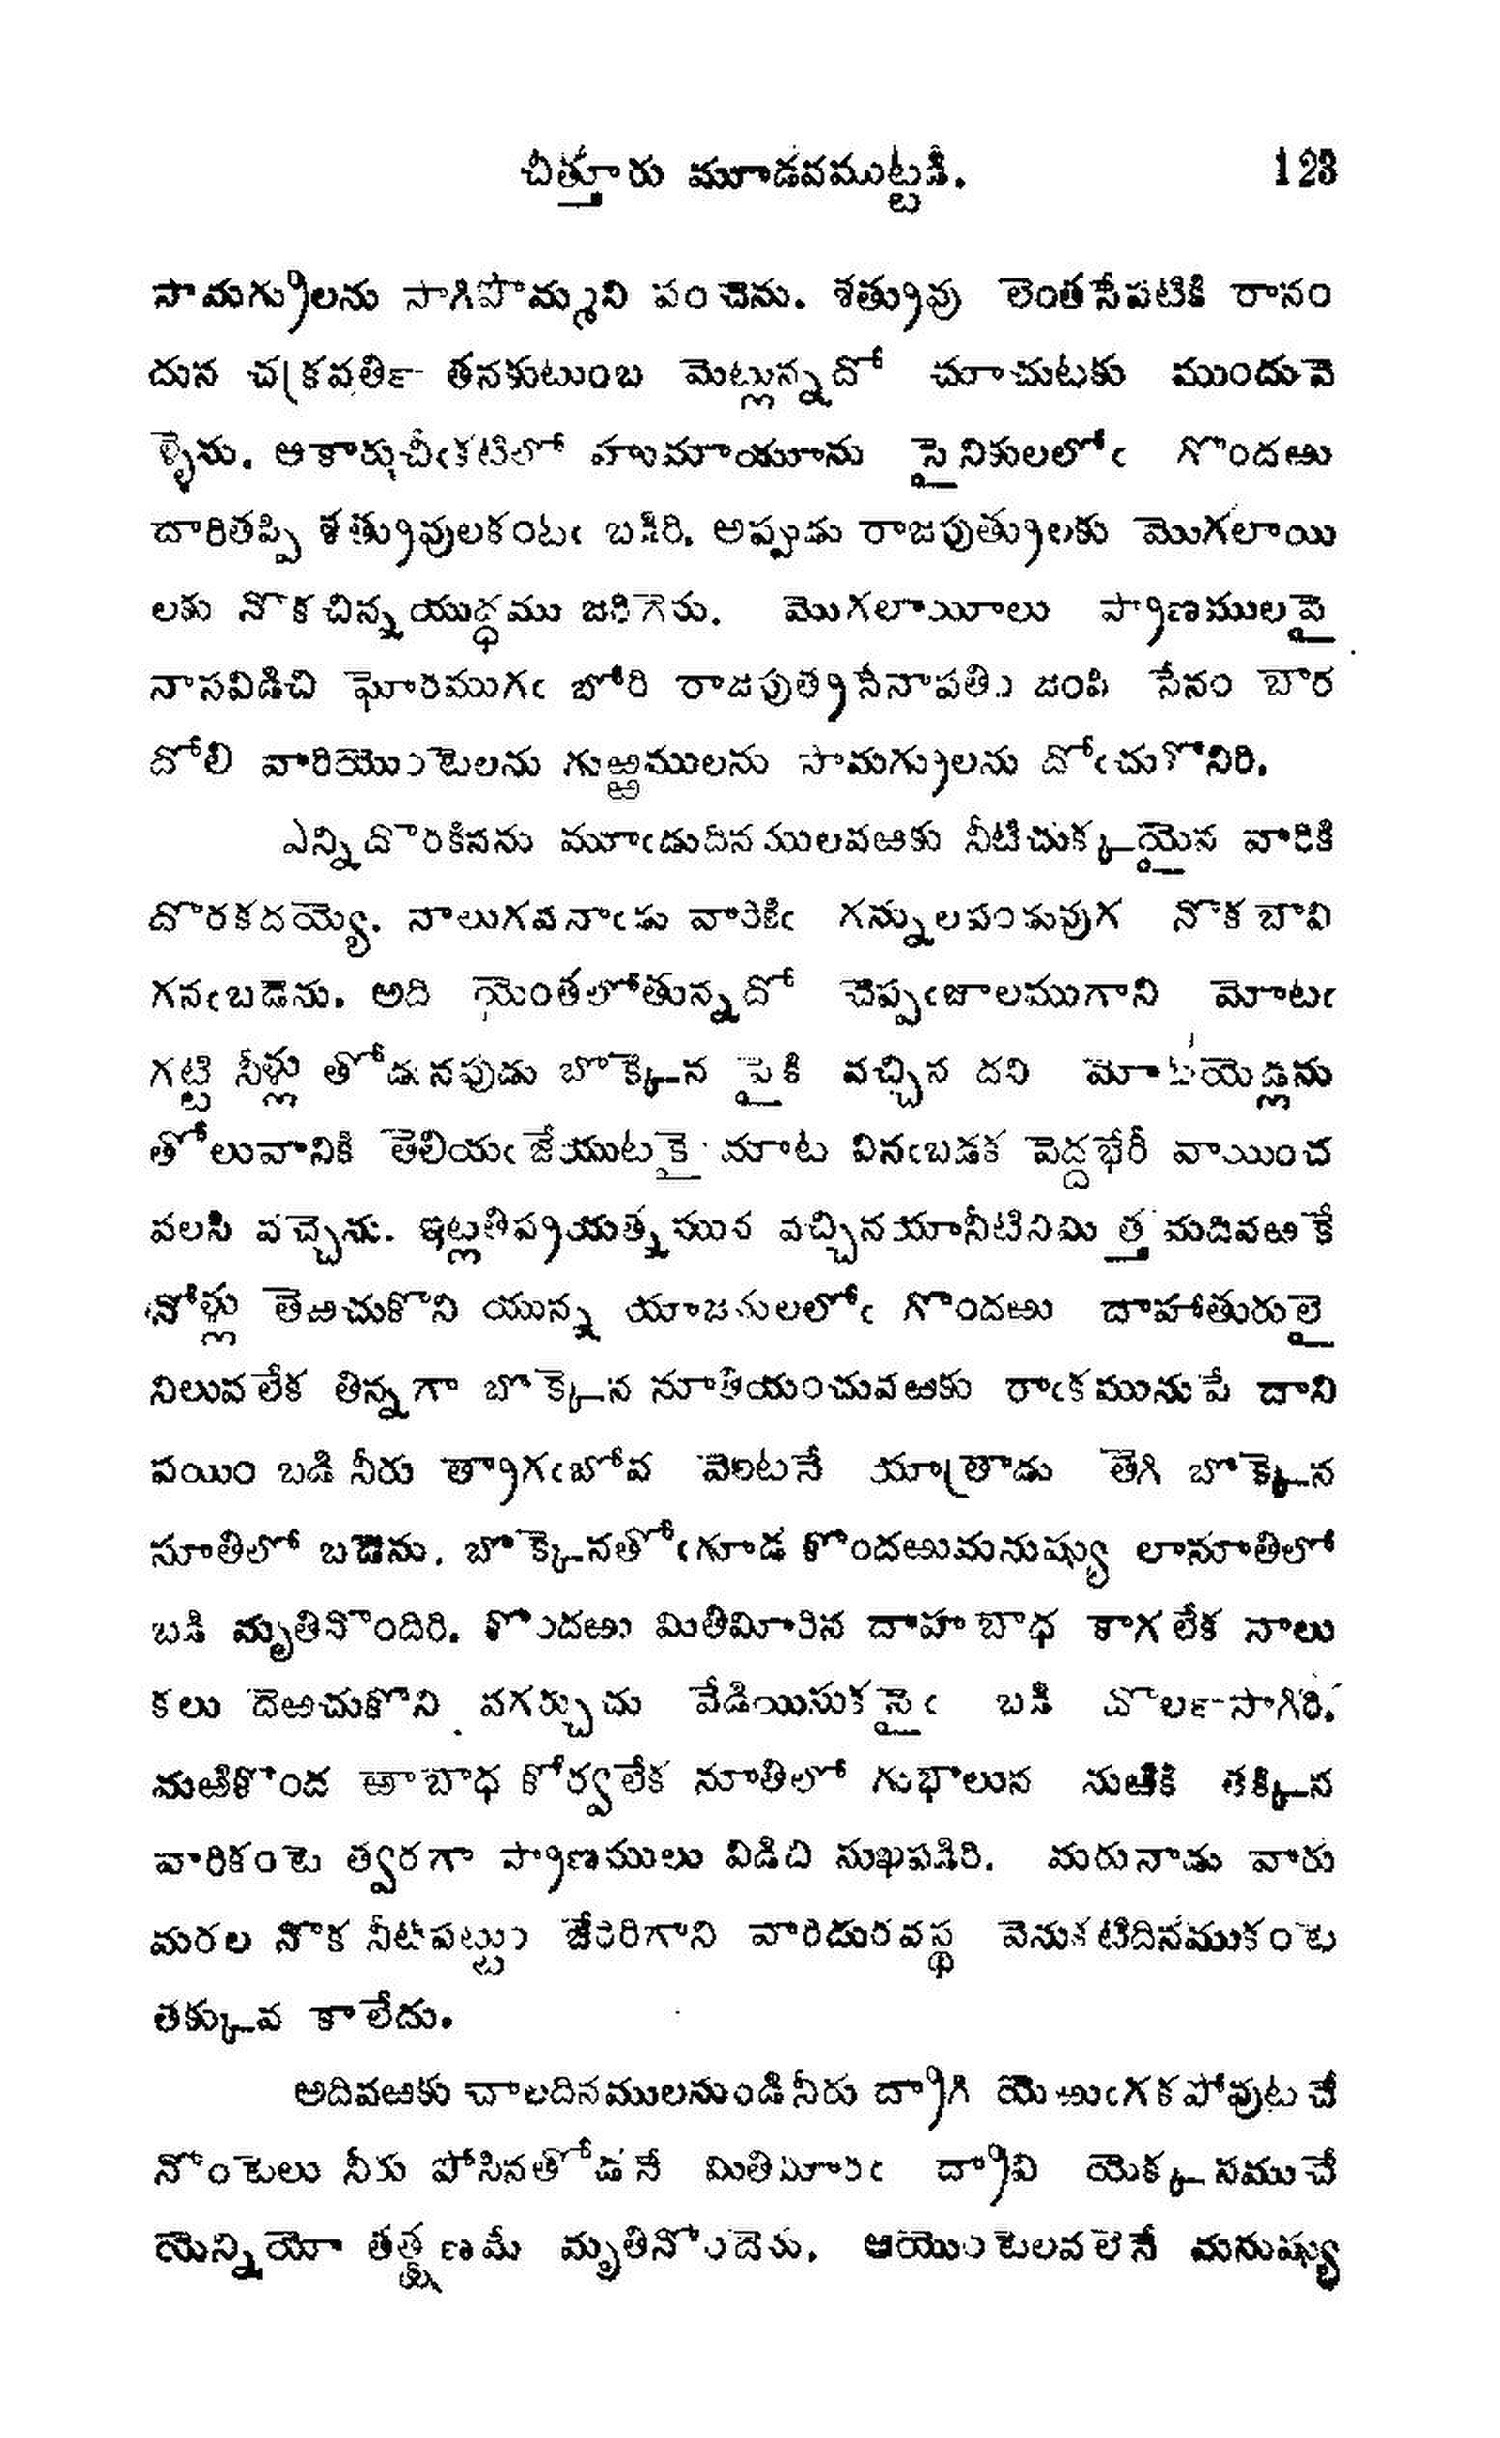సామగ్రులను సాగిపొమ్మని పంచెను. శత్రువు లెంత సేపటికి రానందున చక్రవతి౯ " తనకుటుంబ మెట్లున్నదో చూచుటకు ముందు వెళ్ళేను. ఆ కారుచీఁకటిలో హుమాయూను సైనికులలోఁ గొందఱు దారితప్పి శత్రువులకంటఁ బడిరి, అప్పుడు రాజపుత్రులకు మొగలాయిలకు నొక చిన్న యుద్ధము జరిగెను. మొగలాయీలు ప్రాణములపై నాసవిడిచి ఘోరముగఁ బోరి రాజపుత్ర సేనాపతిం జంపి సేనం బారదోలి వారియొంటెలను గుఱ్ఱములను సామగ్రులను దోఁచుకొనిరి.

ఎన్ని దొరకినను మూఁడుదినములవఱకు నీటి చుక్కయైన వారికి దొరకదయ్యె. నాలుగవనాఁడు వారికిఁ గన్నులపండువుగ నొక బావి
గనఁబడెను. అది యెంతలోతున్నదో చెప్పఁ జాలముగాని మోటఁ గట్టి నీళ్లు తోడు నపుడు బొక్కెన పైకి వచ్చిన దని మోట యెడ్లను
తోలువానికి తెలియఁ జేయుటకై మాట వినఁబడక పెద్ద భేరీ వాయించవలసి వచ్చెను. ఇట్లతిప్రయత్నమున వచ్చిన యానీటి నిమిత్త మదివఱకే నోళ్లు తెఱచుకొని యున్న యాజనులలోఁ గొందఱు దాహాతురులై నిలువ లేక తిన్నగా బొక్కెన నూతియంచువఱకు రాఁక మునుపే దాని పయిం బడి నీరు త్రాగఁబోవ 'వెంటనే యాత్రాడు తెగి బొక్కెన నూతిలో బడెను. బొక్కెనతోఁ గూడ కొందఱు మనుష్యు లానూతిలో
బడి మృతినొందిరి. కొందఱు మితిమీరిన దాహ బాధ కాగలేక నాలుకలు దెఱచుకొని, వగర్చుచు వేడియిసుక పైఁ బడి దోల౯సాగిరి.
మఱికోందఱా బాధ కోర్వలేక నూతిలో గుభాలున నుఱికి తక్కిన వారికంటే త్వరగా ప్రాణములు విడిచి సుఖపడిరి. మరునాడు వారు
మరల నొక నీటి పట్టుం జేరిరిగాని వారిదురవస్థ వెనుకటి దినముకంటే తక్కువ కాలేదు.

అదివఱకు చాలదినములనుండి నీరు దాగి యెఱుఁగకపోవుటచే నోంటెలు నీరు పోసిన తోడనే మితి మీరఁ ద్రావి యొక్కనముచే యెన్నియో తక్షణమే మృతినొందెను, ఆయోంటెలవలెనే మనుష్యు